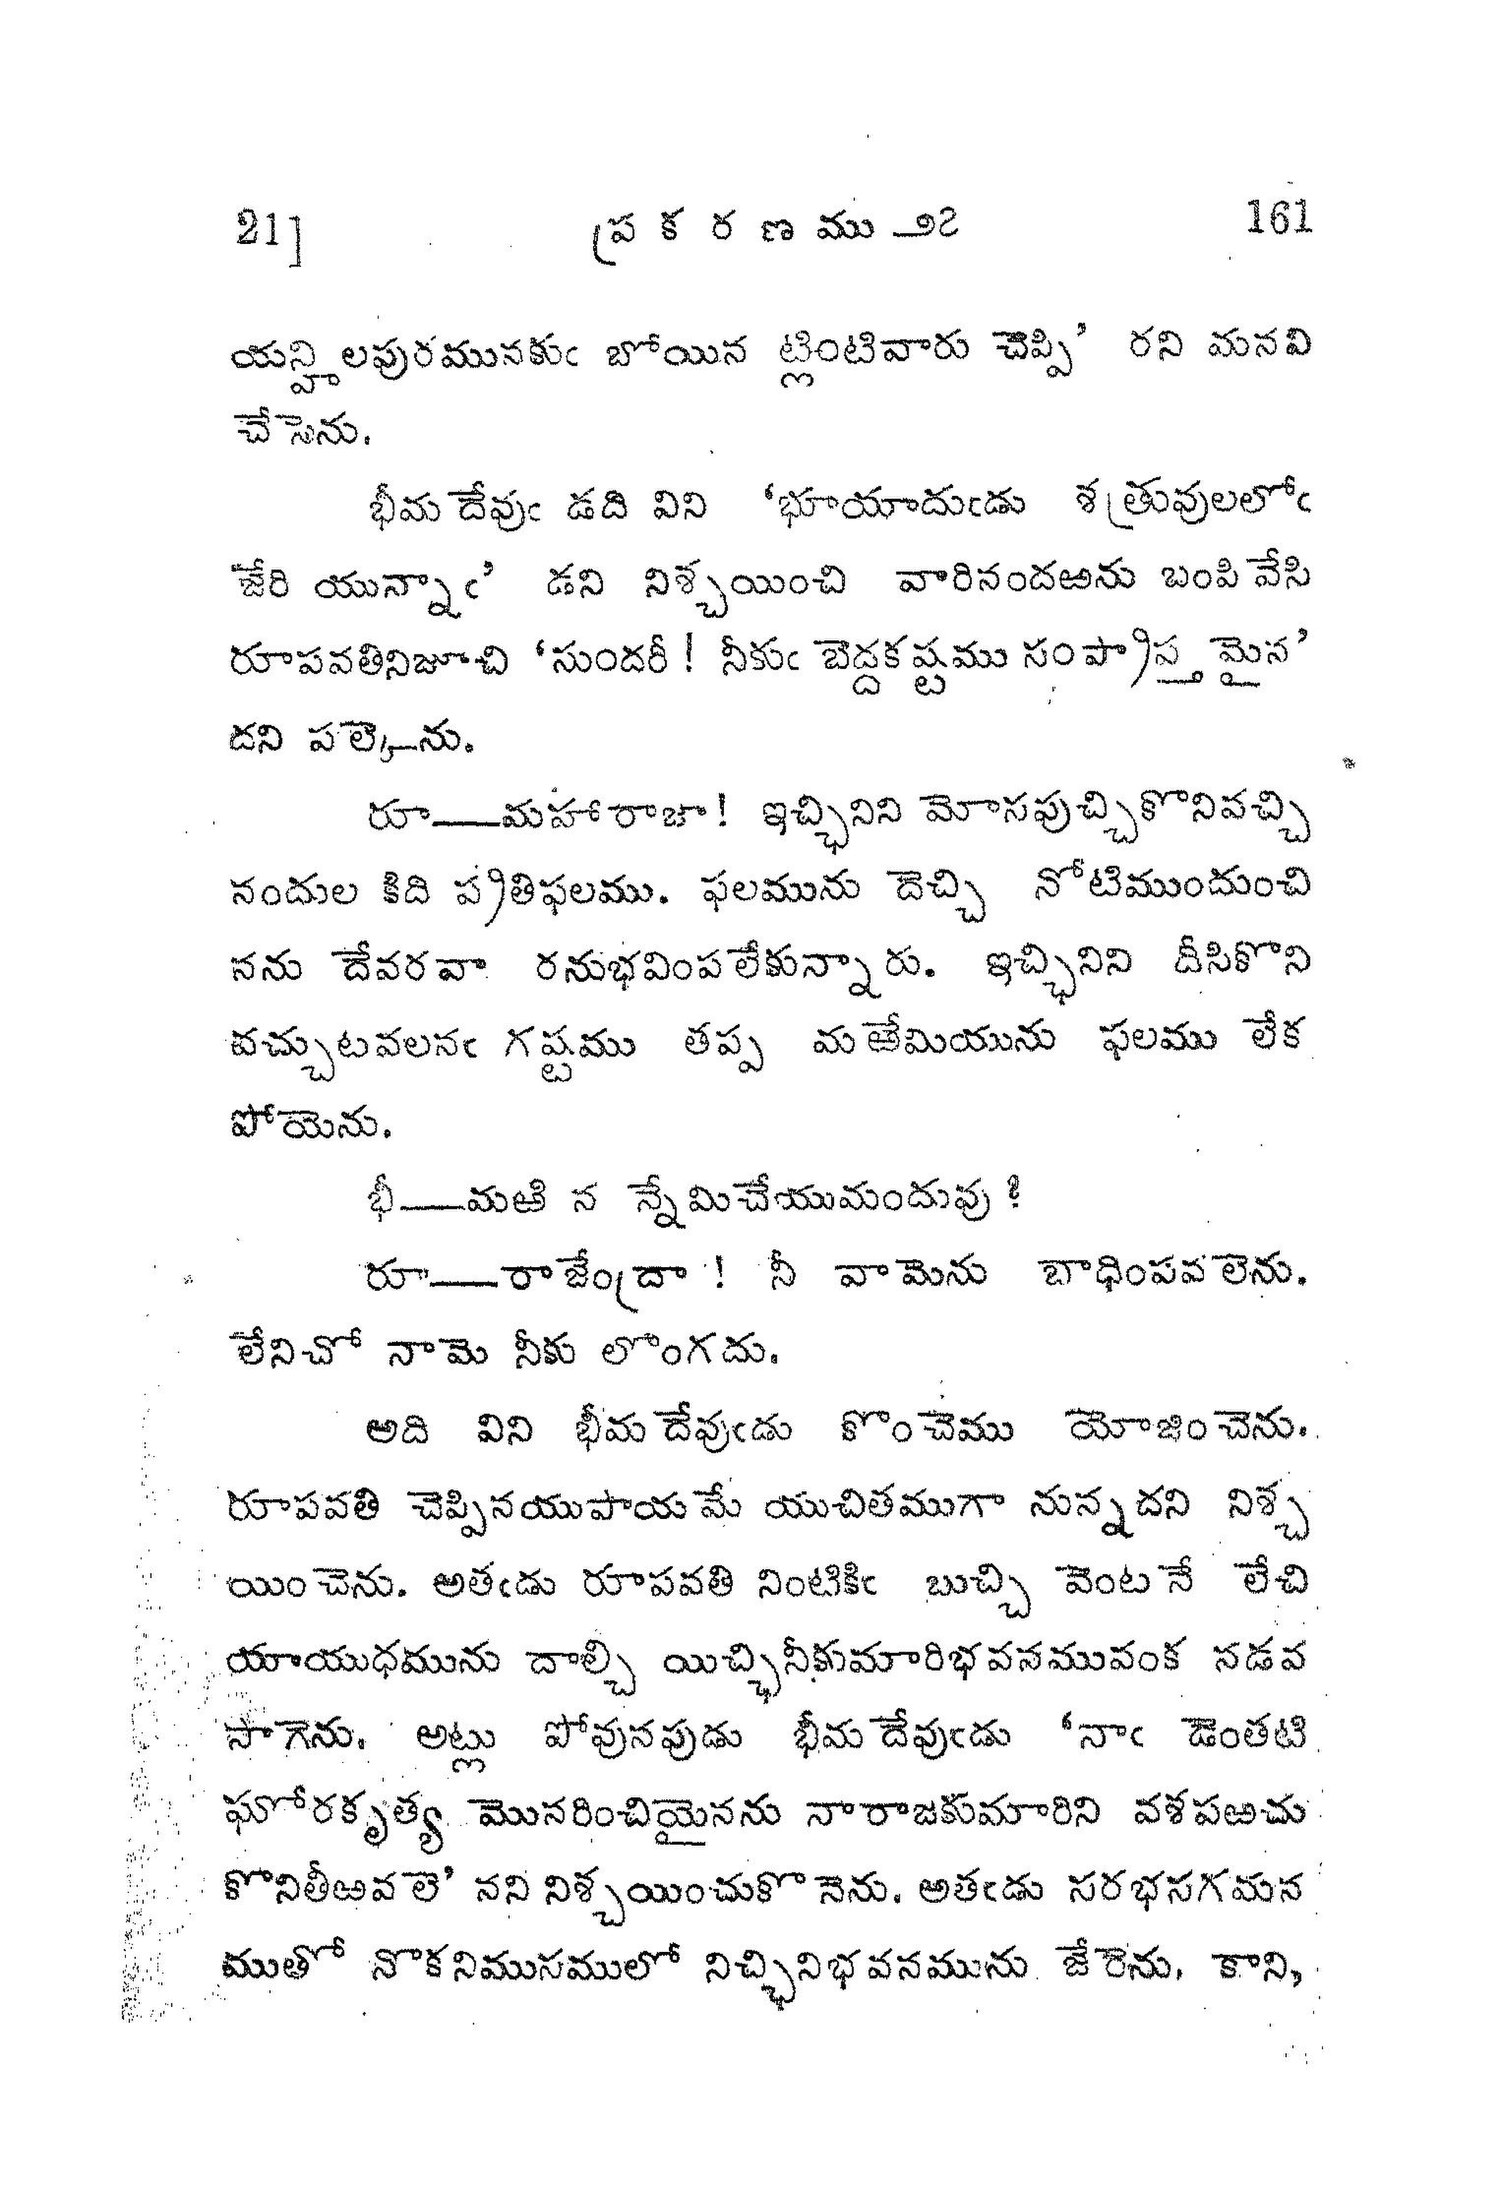21]
ప్రకరణ ము -27
161
యన్డిలపురమునకుఁ బోయిన ట్లింటివారు చెప్పి'రని మనవి
చేసెను.
భీమదేవుఁ డది విని 'భూయాదుఁడు శత్రువులలోఁ
జేరి యున్నాండని నిశ్చయించి వారినంద
ను బంపి వేసి
రూపవతిని జూచి 'సుందరీ ! నీకుఁ బెద్ద కష్టము సంప్రాప్త మైన '
దని పల్కెను.

రూ: మహారాజా ! ఇచ్ఛినిని మోసపుచ్చికొని వచ్చి
నందుల కిది ప్రతిఫలము. ఫలమును దెచ్చి నోటిముందుంచి
నను దేవరవా రనుభవింప లేకున్నారు. ఇచ్ఛినిని దీసికొని
వచ్చుటవలనఁ గష్టము తప్ప మజేమియును ఫలము లేక
పోయెను.

భీ: మరి న న్నేమి చేయుమందువు ?

రూ: రాజేంద్రా ! నీ వా మెను బాధింపవ లెను.
లేనిచో నామె నీకు లోంగదు.

విని భీమ దేవుఁడు కొంచెము యోచించెను.
రూపవతి చెప్పిన యుపాయమే యుచితముగా నున్నదని నిశ్చ
యిం చెను. అతఁడు రూపవతి నింటికిఁ బుచ్చి వెంట నే లేచి
యాయుధమును దాల్చి యిచ్ఛినీకుమారి భవనమువంక నడవ
'సాగెను. ' అట్లు పోవునపుడు భీమ దేవుఁడు 'నాఁ డెంతటి
ఘోరకృత్య మొనరించియైనను నా రాజకుమారిని వశపఱచు
కొనిఱవ లె' నని నిశ్చయించుకొనెను. అతఁడు సరభసగమన
ముతో నొకనిముసములో నిచ్ఛినిభవనమును, జేరెను, కాని,